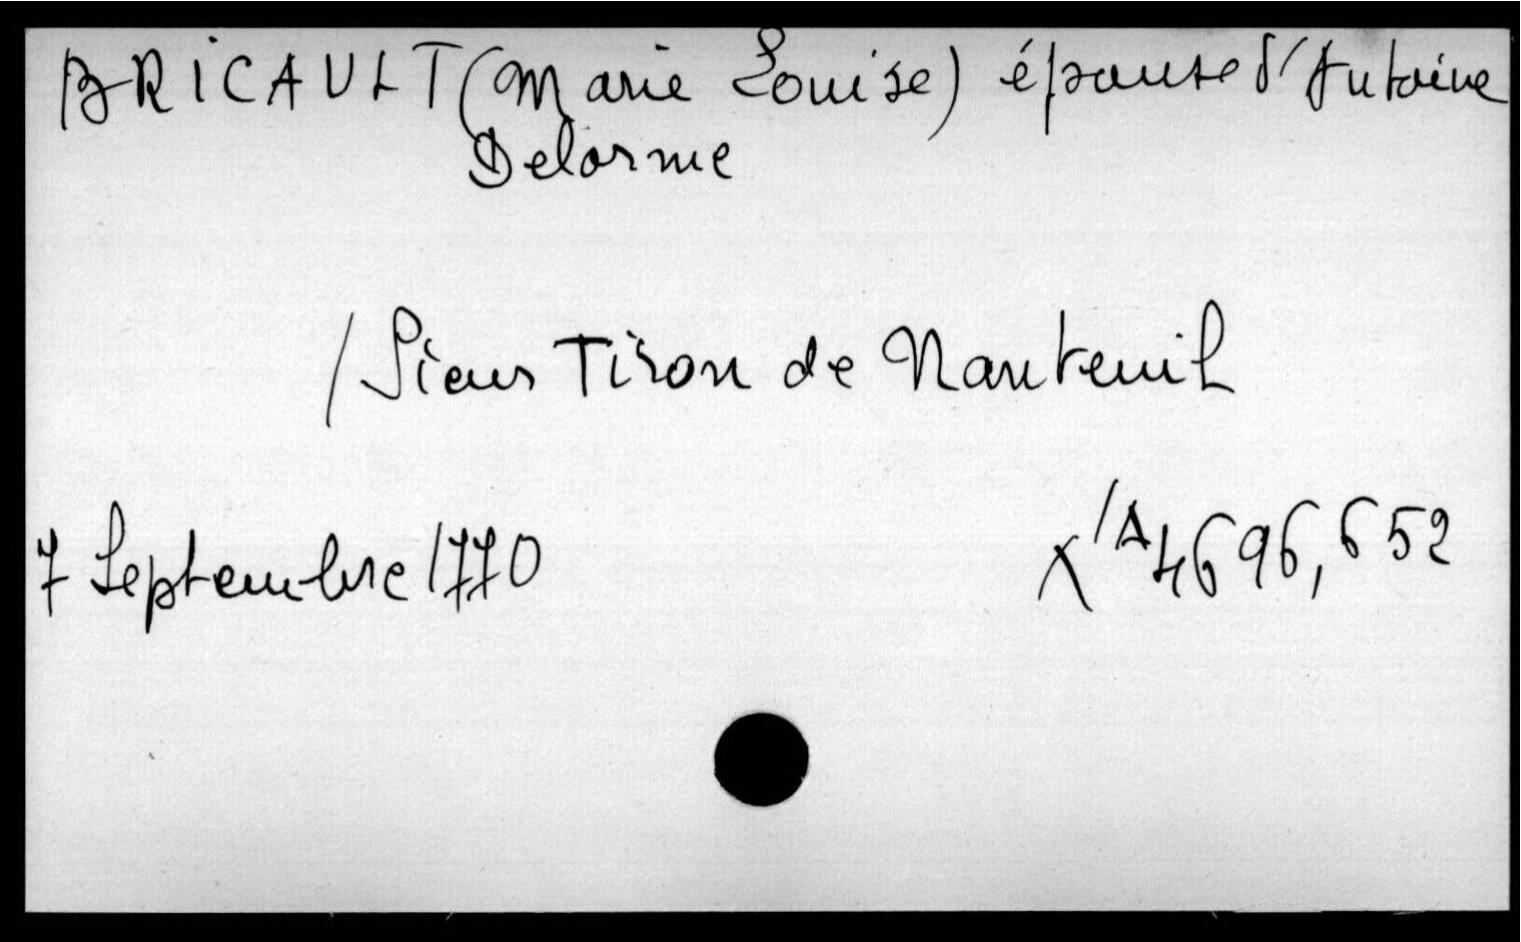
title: BRICAULT (Marie Louise) épouse d'Antoine Delorne
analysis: Contre Sieur Tiron de Manteuil
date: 7 septembre 1770
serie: X1A
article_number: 4696
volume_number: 652
